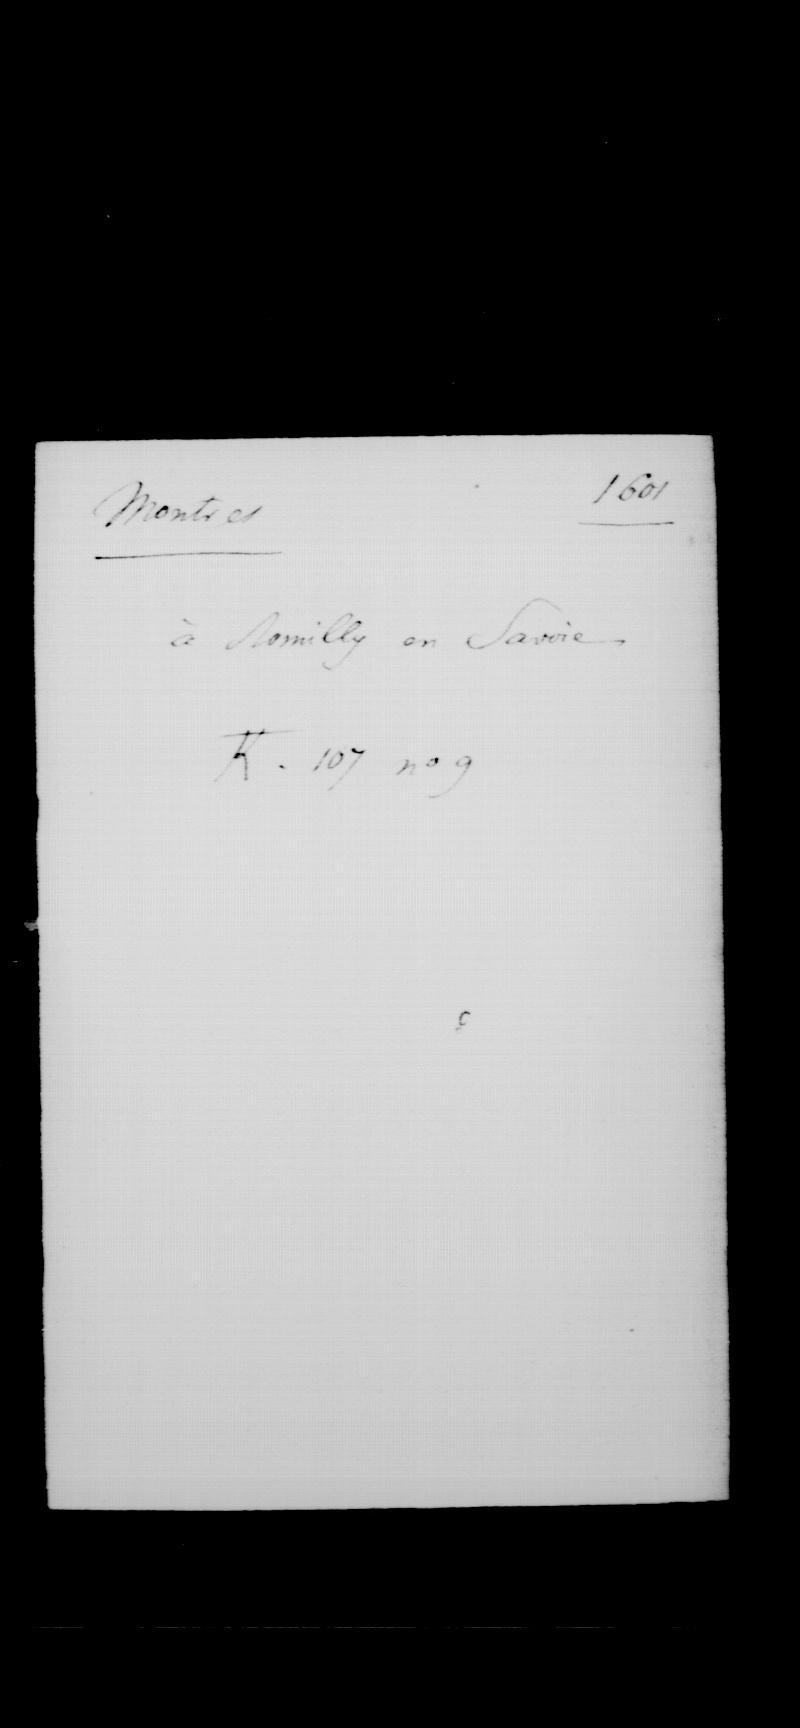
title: Montres
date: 1601
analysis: à Romilly en Savoie
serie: K
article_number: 107
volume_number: n° 9
